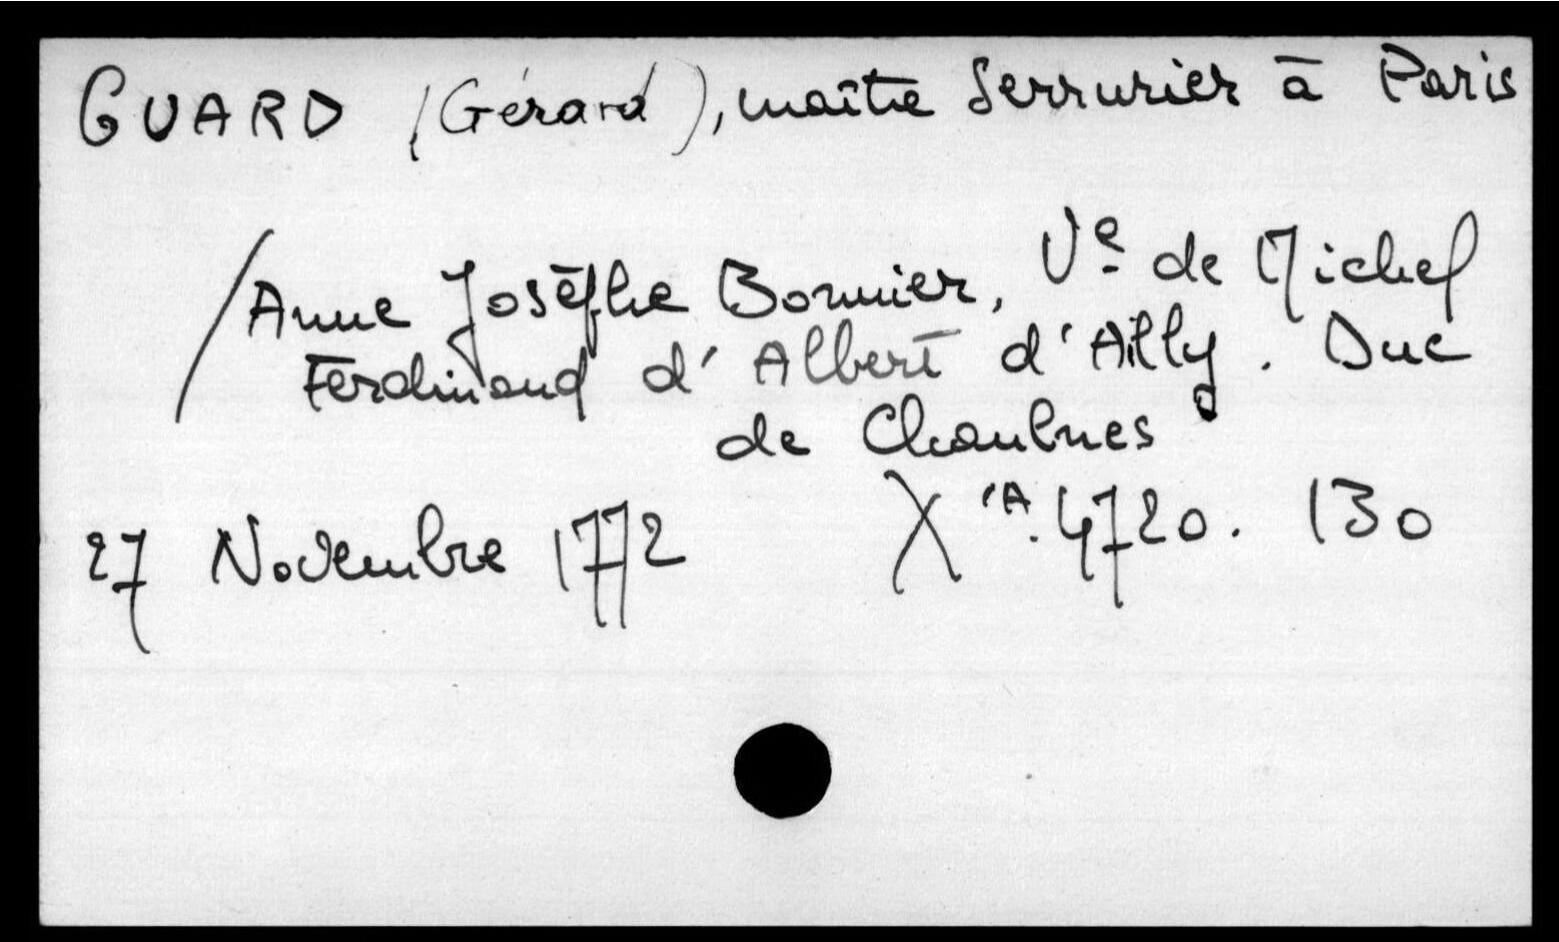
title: GUARD (Gérard), maître serrurier à Paris
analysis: Contre Anne Josèphe Bormier, veuve de Michel Ferdinand d'Albert d'Ailly, Duc de Chaulnes
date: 27 novembre 1772
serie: X1A
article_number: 4720
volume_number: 130
